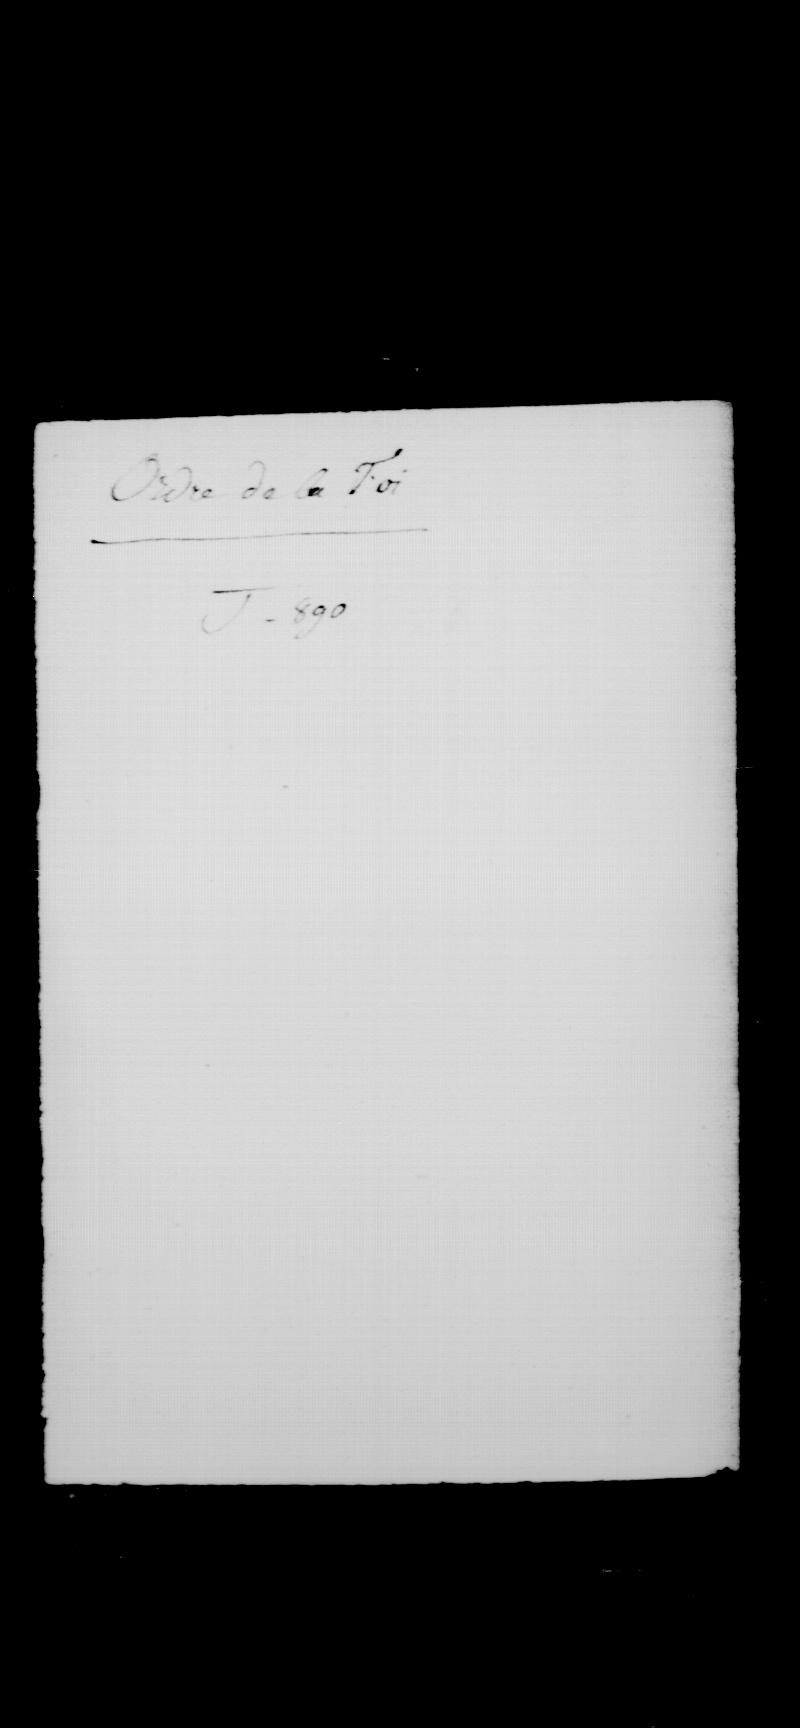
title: Ordre de la Foi
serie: J
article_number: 890
